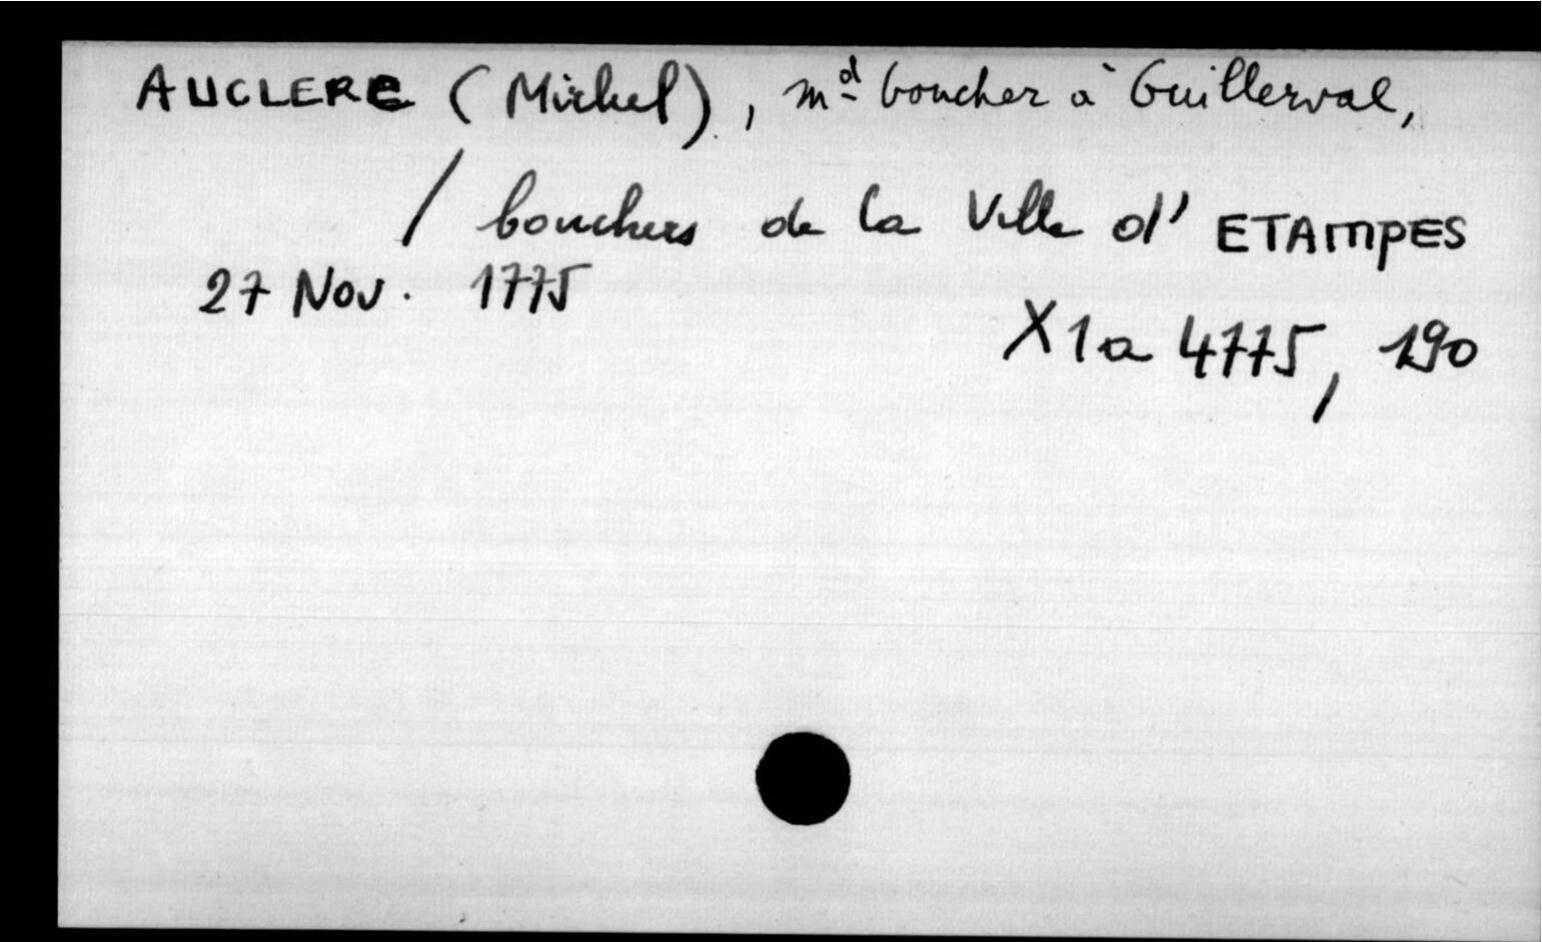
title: AUCLERE (Michel), marchand boucher à Guillerval
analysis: Contre bouchers de la ville d'ÉTAMPES
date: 27 novembre 1775
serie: X1a
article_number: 4775
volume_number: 190
